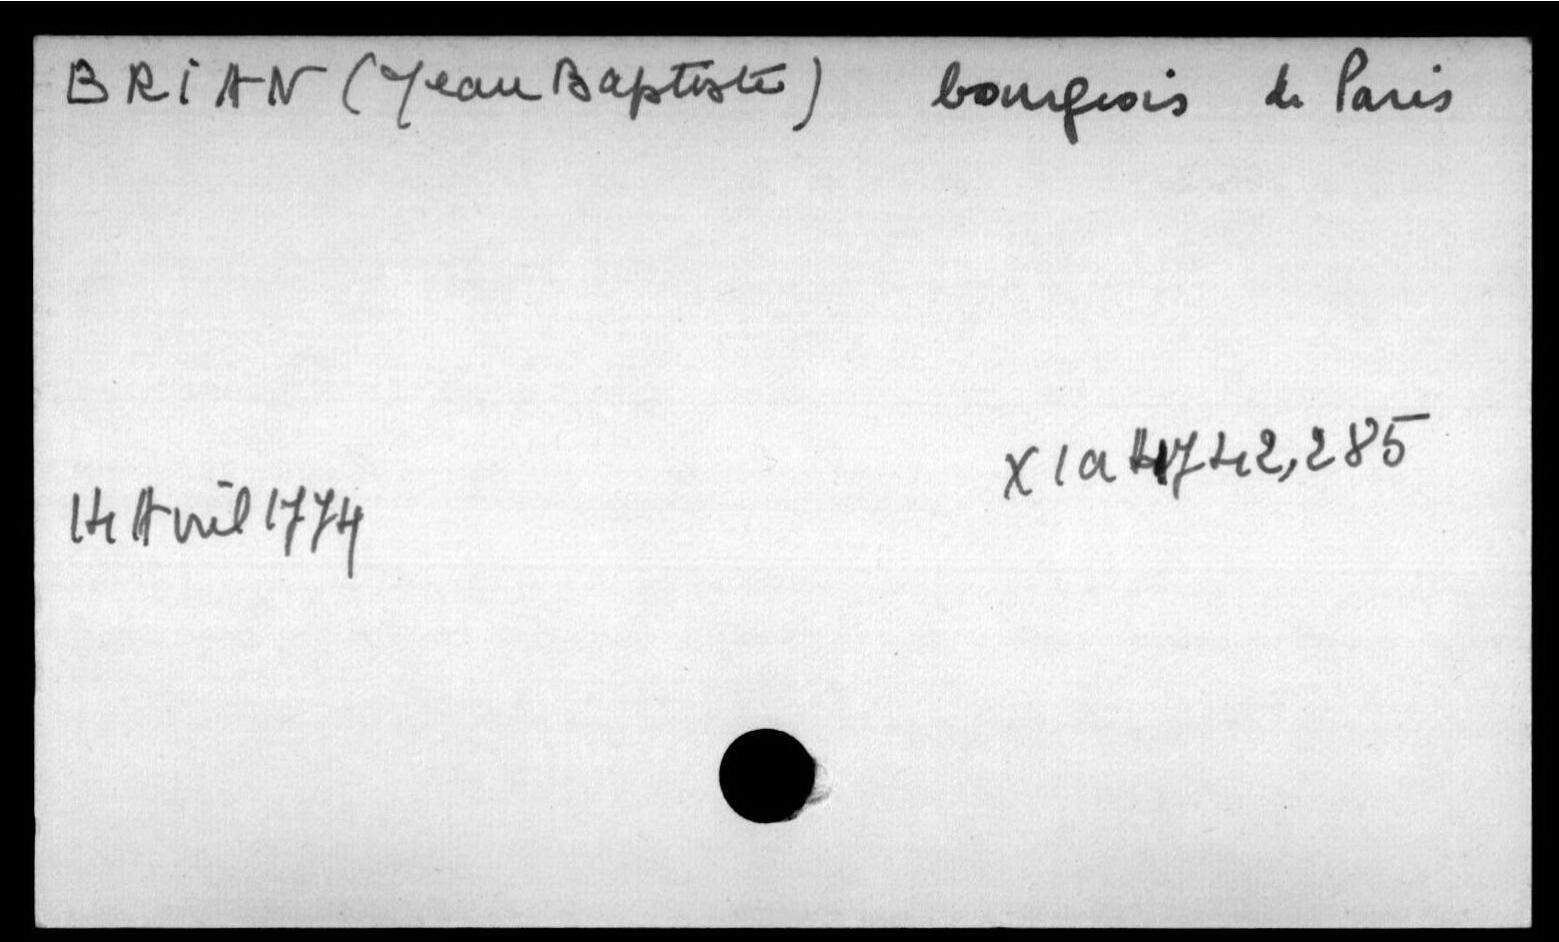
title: BRIAN (Jean Baptiste) bourgeois de Paris
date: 14 avril 1774
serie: X1a
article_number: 4742
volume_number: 285
